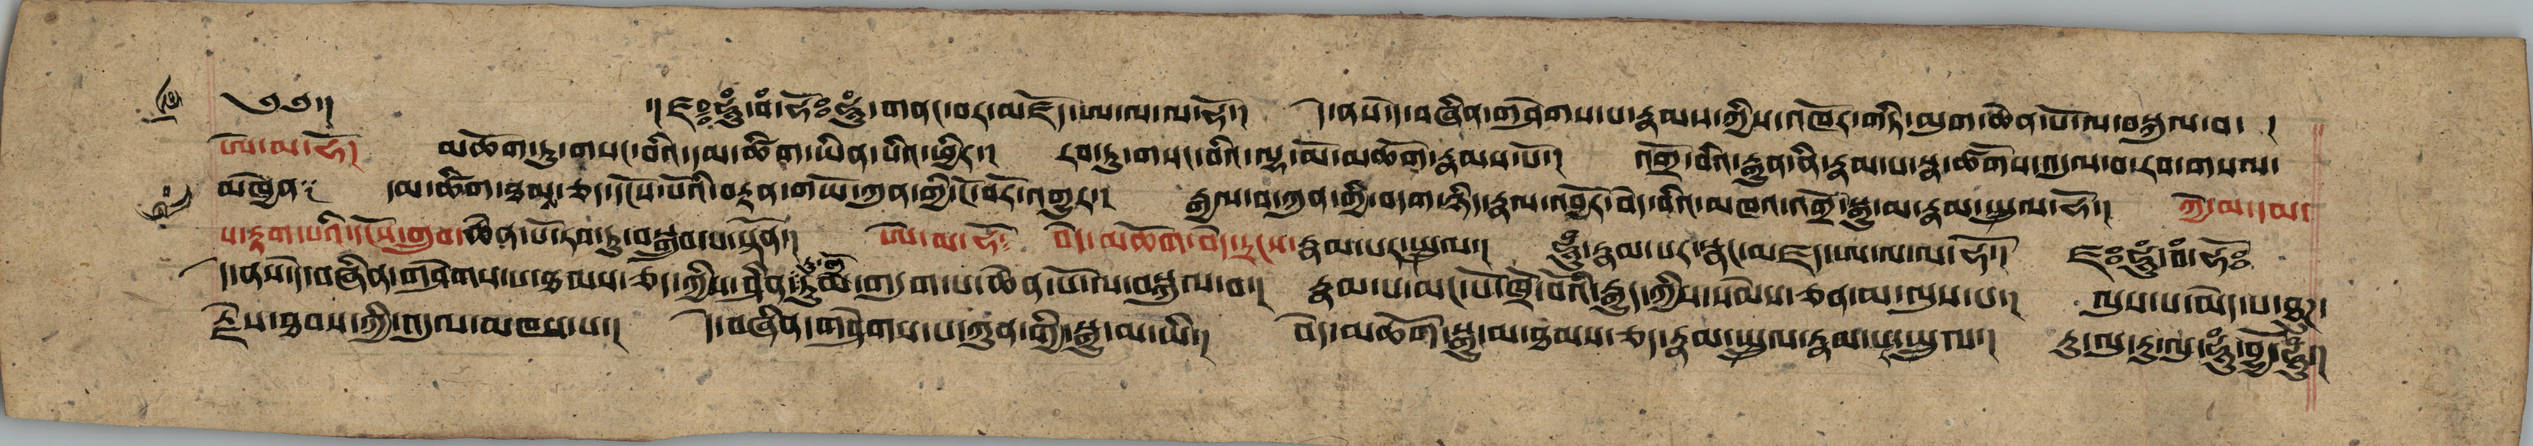༄༅་། ་།ཛཿཧཱུཾ་བཾ་ཧོཿཧཱུཾ་གནང་བར་མཛོད་ཨ་ལ་ལ་ཧོ་། དེ་ནས་དེ་བཞིན་གཤེགས་པ་རྣམས་ཀྱིས་འཁོར་གཏི་མུག་ཆེན་པོ་ལ་བསྐུལ་བ་
ཨེ་མ་ཧོ། མཆོག་ཏུ་གསང་བའི་དམ་ཚིག་ཡིན་པའི་ཕྱིར་། རབ་ཏུ་གསང་བའི་ལྷ་མོ་མཆོག་རྣམས་སོ་། འགྲོ་བའི་རྒྱུན་ནི་རྣམ་པ་སྣ་ཚོགས་འདུལ་བ་རབ་གསལ་
མཁྱེན༑ དམ་ཚིག་ཐམས་ཅད་དངོས་པོའི་བརྟན་གཡོ་ཀུན་གྱི་ངོ་བོར་འགྱུར་། རྒྱལ་བ་ཀུན་གྱི་བདག་ཉིད་རྣལ་འབྱོར་བདེ་བའི་མཁའ་འགྲོ་སྒྱུ་མ་རྣམ་སྤྲུལ་ཧོ་། ཀྱེ་མ་དམ་
ས་རྟག་པའི་དངོས་གྲུབ་ཆེན་པོ་རབ་ཏུ་བསྒྲུབ་པ་སྟོན་། ཨེ་མ་ཧོ་ བདེ་མཆོག་བདེ་དྲངས་རྣམ་པར་སྤྲུལ་། ཧཱུཾ་རྣམ་པར་སྣང་མཛད་ཨ་ལ་ལ་ཧོ་། ཛཿཧཱུཾ་བཾ་ཧོཿ
དེ་ནས་དེ་བཞིན་གཤེགས་པ་ཐམས་ཅད་ཀྱིས་ཤིན་ཏུགཏུམ་གདུག་པ་ཆེན་པོ་ལ་བསྐུལ་བ་། རྣམ་པ་མང་པོ་ཁྲོ་བོའི་རྒྱུད་ཀྱིས་སེམས་ཅན་མ་ལུས་པ་། ལུས་པ་མེད་པ་ཐུཌ་
རྗེས་ཐབས་ཀྱི་འདུལ་མཁས་པ་། དེ་བཞིན་གཤེགས་པ་ཀུན་གྱི་སྒྱུ་མ་ཡི་། བདེ་མཆོག་སྒྱུ་མ་ཐམས་ཅད་རྣམ་སྤྲུལ་རྣམ་པ་སྤྲུལ་། རུ་ལུ་རུ་ལུ་ཧཱུཾ་བྷྱོ་ཧཱུཾ་